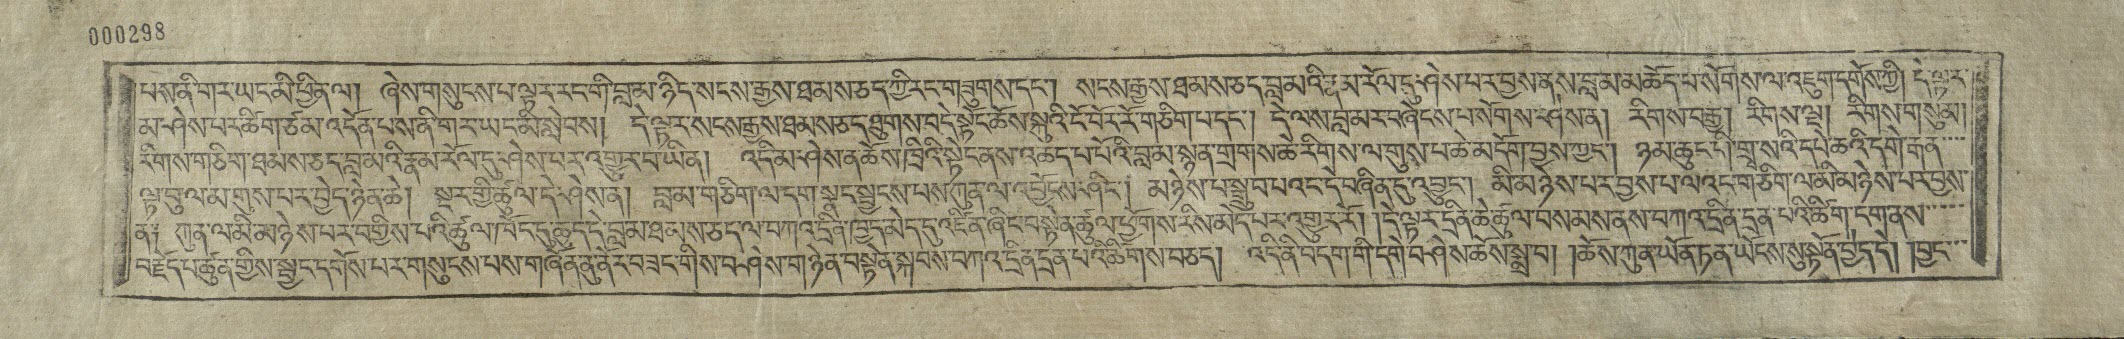པས་ནི་གར་ཡང་མི་ཕྱིན་ལ། ཞེས་གསུངས་པ་ལྟར་རང་གི་བླ་མ་ཉིད་སངས་རྒྱས་ཐམས་ཅད་ཀྱི་རང་གཟུགས་དང་། སངས་རྒྱས་ཐམས་ཅད་བླ་མའི་རྣམ་རོལ་དུ་ཤེས་པར་བྱས་ནས་བླ་མ་མཆོད་པ་སོགས་ལ་འཇུག་དགོས་ཀྱི། དེ་ལྟར་
མ་ཤེས་པར་ཚིག་ཙམ་འདོན་པས་ནི་གར་ཡང་མི་སླེབས། དེ་ལྟར་སངས་རྒྱས་ཐམས་ཅད་ཐུགས་བདེ་སྟོང་ཆོས་སྐུའི་ངོ་བོར་རོ་གཅིག་པ་དང་། དེ་ལས་བླ་མར་བཞེངས་པ་སོགས་ཤེས་ན། རིགས་བརྒྱ། རིགས་ལྔ། རིགས་གསུམ།
རིགས་གཅིག་ཐམས་ཅད་བླ་མའི་རྣམ་རོལ་དུ་ཤེས་པར་འགྱུར་བ་ཡིན། འདི་མ་ཤེས་ན་ཆོས་ཁྲིའི་སྟེང་ནས་འཆད་པ་པོའི་བླ་མ་སྙན་གྲགས་ཆེ་རིགས་ལ་གུས་པ་ཆེ་མདོག་བྱས་ཀྱང་། ཉམ་ཆུང་གི་གྲྭ་སའི་དཔེ་ཆའི་དགེ་རྒན་
ལྟ་བུ་ལ་མ་གུས་པར་བྱེད་ཉེན་ཆེ། སྔར་གྱི་ཚུལ་དེ་ཤེས་ན། བླ་མ་གཅིག་ལ་དག་སྣང་སྦྱངས་པས་ཀུན་ལ་འབྱོངས་ཤིང་། མཉེས་པ་སྒྲུབ་པའང་དེ་བཞིན་དུ་འབྱུང་། མི་མཉེས་པར་བྱས་པ་ལའང་གཅིག་ལ་མི་མཉེས་པར་བྱས་
ན༑ ཀུན་ལ་མི་མཉེས་པར་བགྱིས་པའི་ཚུལ་ཁོང་དུ་ཆུད་དེ་བླ་མ་ཐམས་ཅད་ལ་བཀའ་དྲིན་ཁྱད་མེད་དུ་འཛིན་ཞིང་བསྟེན་ཚུལ་ཕྱོགས་རིས་མེད་པར་འགྱུར་རོ། །དེ་ལྟར་དྲིན་ཆེ་ཚུལ་བསམས་ནས་བཀའ་དྲིན་དྲན་པའི་ཚིག་ངག་ནས་
བརྗོད་པ་ཚུན་གྱིས་སྦྱང་དགོས་པར་གསུངས་པས་གཞོན་ནུ་ནོར་བཟང་གིས་བཤེས་གཉེན་བསྟེན་སྐབས་བཀའ་དྲིན་དྲན་པའི་ཚིགས་བཅད། འདི་ནི་བདག་གི་དགེ་བཤེས་ཆོས་སྨྲ་བ། །ཆོས་ཀུན་ཡོན་ཏན་ཡོངས་སུ་སྟོན་བྱེད་དེ། །བྱང་